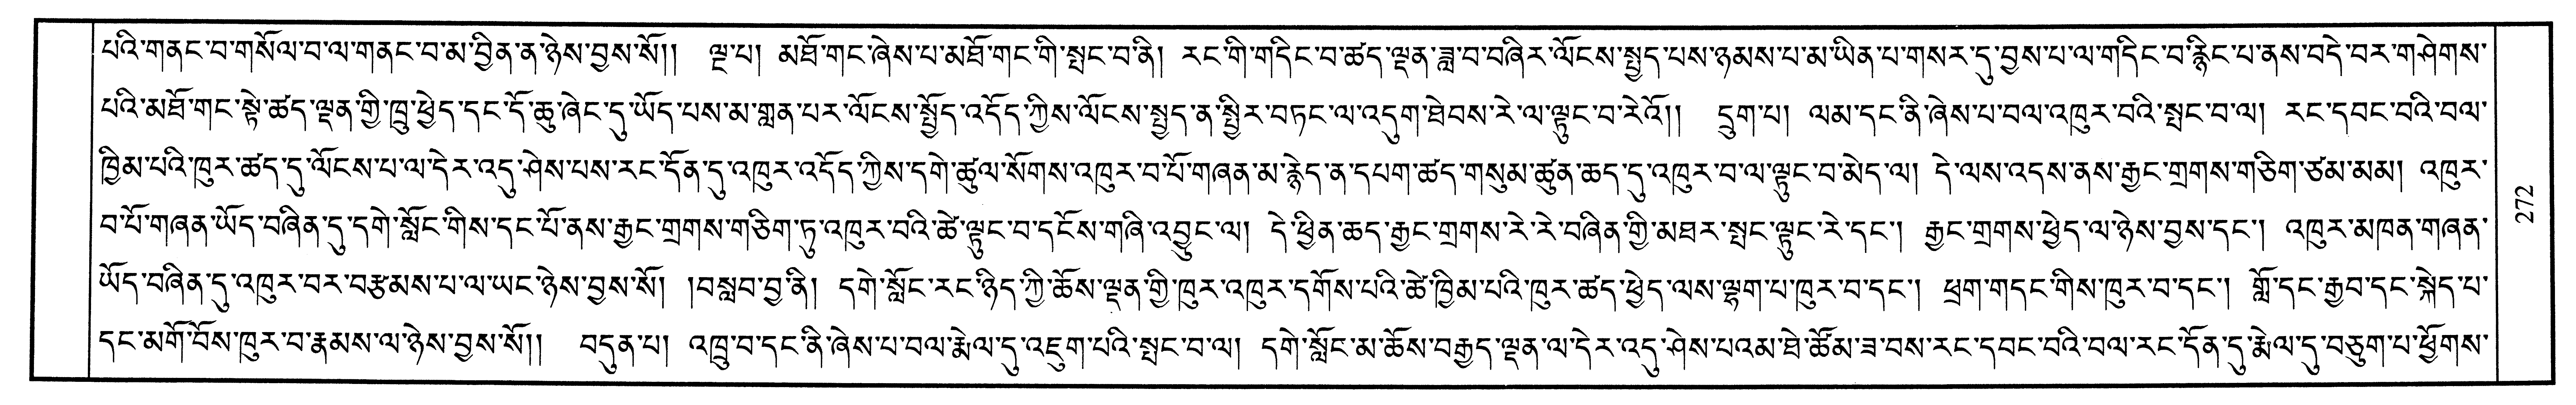པའི་གནང་བ་གསོལ་བ་ལ་གནང་བ་མ་བྱིན་ན་ཉེས་བྱས་སོ།། ལྔ་པ། མཐོ་གང་ཞེས་པ་མཐོ་གང་གི་སྤང་བ་ནི། རང་གི་གདིང་བ་ཚད་ལྡན་ཟླ་བ་བཞིར་ལོངས་སྤྱད་པས་ཉམས་པ་མ་ཡིན་པ་གསར་དུ་བྱས་པ་ལ་གདིང་བ་རྙིང་པ་ནས་བདེ་བར་གཤེགས་
པའི་མཐོ་གང་སྟེ་ཚད་ལྡན་གྱི་ཁྲུ་ཕྱེད་དང་དོ་ཆུ་ཞེང་དུ་ཡོད་པས་མ་གླན་པར་ལོངས་སྤྱོད་འདོད་ཀྱིས་ལོངས་སྤྱད་ན་སྤྱིར་བཏང་ལ་འདུག་ཐེབས་རེ་ལ་ལྟུང་བ་རེའོ།། དྲུག་པ། ལམ་དང་ནི་ཞེས་པ་བལ་འཁུར་བའི་སྤང་བ་ལ། རང་དབང་བའི་བལ་
ཁྱིམ་པའི་ཁུར་ཚད་དུ་ལོངས་པ་ལ་དེར་འདུ་ཤེས་པས་རང་དོན་དུ་འཁུར་འདོད་ཀྱིས་དགེ་ཚུལ་སོགས་འཁུར་བ་པོ་གཞན་མ་རྙེད་ན་དཔག་ཚད་གསུམ་ཚུན་ཆད་དུ་འཁུར་བ་ལ་ལྟུང་བ་མེད་ལ། དེ་ལས་འདས་ནས་རྒྱང་གྲགས་གཅིག་ཙམ་མམ། འཁུར་
བ་པོ་གཞན་ཡོད་བཞིན་དུ་དགེ་སློང་གིས་དང་པོ་ནས་རྒྱང་གྲགས་གཅིག་ཏུ་འཁུར་བའི་ཚེ་ལྟུང་བ་དངོས་གཞི་འབྱུང་ལ། དེ་ཕྱིན་ཆད་རྒྱང་གྲགས་རེ་རེ་བཞིན་གྱི་མཐར་སྤང་ལྟུང་རེ་དང་། རྒྱང་གྲགས་ཕྱེད་ལ་ཉེས་བྱས་དང་། འཁུར་མཁན་གཞན་
ཡོད་བཞིན་དུ་འཁུར་བར་བརྩམས་པ་ལ་ཡང་ཉེས་བྱས་སོ། །བསླབ་བྱ་ནི། དགེ་སློང་རང་ཉིད་ཀྱི་ཆོས་ལྡན་གྱི་ཁུར་འཁུར་དགོས་པའི་ཚེ་ཁྱིམ་པའི་ཁུར་ཚད་ཕྱེད་ལས་ལྷག་པ་ཁུར་བ་དང་། ཕྲག་གདང་གིས་ཁུར་བ་དང་། གློ་དང་རྒྱབ་དང་སྐེད་པ་
དང་མགོ་བོས་ཁུར་བ་རྣམས་ལ་ཉེས་བྱས་སོ།། བདུན་པ། འཁྲུ་བ་དང་ནི་ཞེས་པ་བལ་རྨེལ་དུ་འཇུག་པའི་སྤང་བ་ལ། དགེ་སློང་མ་ཆོས་བརྒྱད་ལྡན་ལ་དེར་འདུ་ཤེས་པའམ་ཐེ་ཚོམ་ཟ་བས་རང་དབང་བའི་བལ་རང་དོན་དུ་རྨེལ་དུ་བཅུག་པ་ཕྱོགས་